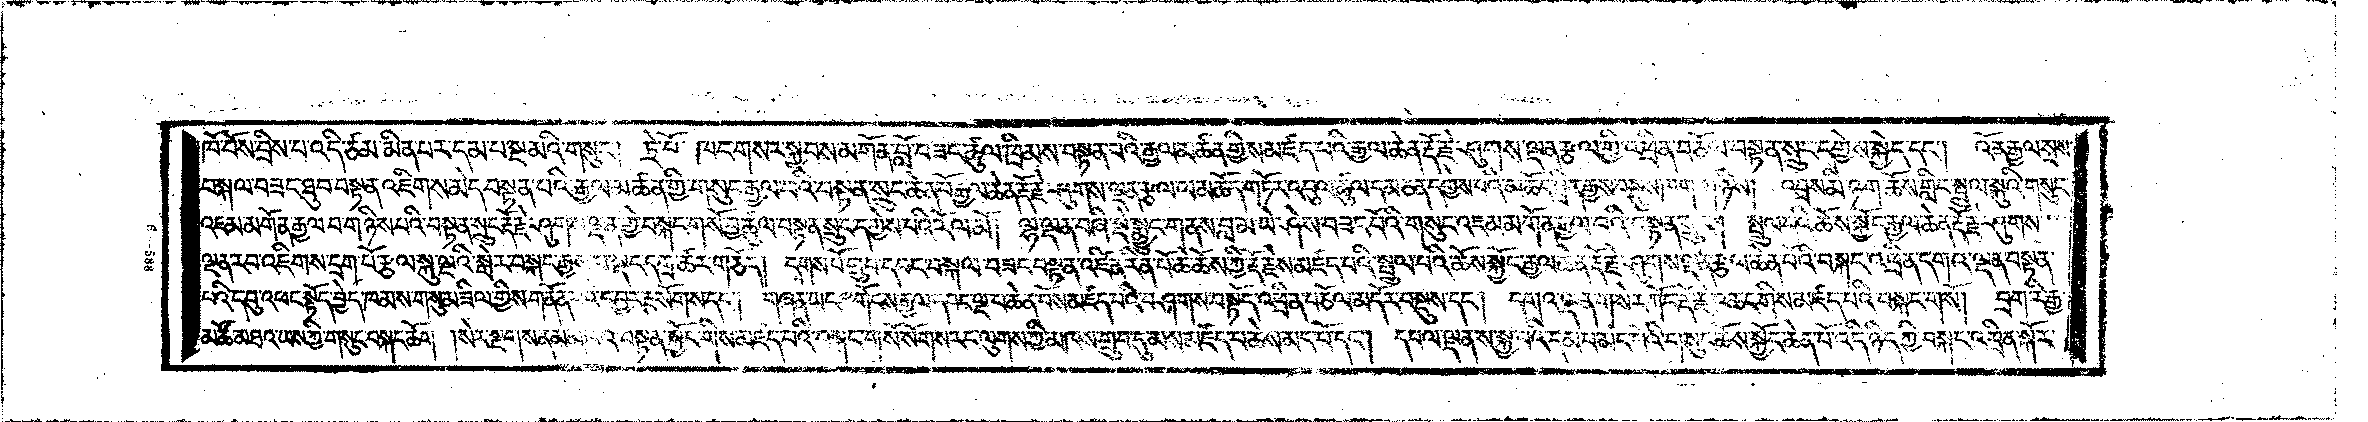?་བོས་བྲིས་པ་འདི་ཙམ་མིན་པར་དམ་པ་སྔ་མའི་གསུང་། ཏྲེ་པོ་ཁང་གསར་སྐྱབས་མགོན་བློ་བཟང་ཚུལ་ཁྲིམས་བསྟན་པའི་རྒྱལ་མཚན་གྱིས་མཛད་པའི་རྒྱལ་མཚན་རྡོ་རྗེ་ཤུགས་ལྡན་རྩལ་གྱི་འཕྲིན་བཅོལ་བསྟན་སྲུང་དགྲེས?་བསྐྱེད་དང་། འོ་ན་རྒྱལ་སྲས་
བསྐལ་བཟང་ཐུབ་བསྟན་འཇིགས་མེད་བསྟན་པའི་རྒྱལ་མཚན་གྱི་གསུང་རྒྱལ་བའི་བསྟན་སྲུང་ཆེན་པོ་རྒྱལ་ཆེན་རྡོ་རྗེ་ཤུགས་ལྡན་རྩལ་ལ་མཆོད་གཏོར་འབུལ་ཚུལ་དམ་ཅན་དགྱེས་པའི་མཆོད་སྤྲིན་རྒྱས་བསྡུས་ཁག་གཉིས། འབྲས་མཇུག་ཆོས་?་སྤྲུལ་སྐུ་ལ་གསུང་
འཇམ་མགོན་རྒྱལ་བ་གཉིས་པའི་བསྟན་སྲུང་རྡོ་རྗེ་ཤུགས་ལྡན་གྱི་བསྐང་གསོ་བྱ་ཚུལ་བསྟན་སྲུང་དགྱེས་པའི་རོལ་མོ། ལྷ་ལྡན་བཞི་སྡེ་སྨྱུང་གནས་བླ་མ་ཡེ་ཤེས་བཟང་པོའི་གསུང་འཇམ་མགོན་རྒྱལ་བའི་བསྟན་སྲུང་། སྤྲུལ་བའི་ཆོས་སྐྱོང་རྒྱལ་ཆེན་རྡོ་རྗེ་ཤུགས་
ལྡན་རབ་འཇིགས་དྲག་པོ་རྩལ་སྐུ་ལྔའི་སྒེར?་བསྐང་རྒྱས་པ་སྡང་དགྲ་ཚར་གཅོད། དྭགས་བོ་གྲུབ་དབང་བསྐལ་བཟང་བསྟན་འཛིན་རིན་པོ་ཆེ་ཆོས་ཀྱི་རྡོ་རྗེས་མཛད་པའི་སྤྲུལ་བའི་ཆོས་སྐྱོང་རྒྱལ་ཆེན་རྡོ་རྗེ་ཤུགས་ལྡན་རྩལ་ཆེན་པོའི་བསྐང་འཕྲིན་དགའ་ལྡན་བསྟན་
པའི་དབུ་འཕང་སྟོད་བྱེད་ཁམས་གསུམ་ཟིལ་གྱིས་གནོན་པའི་དབྱར་རྡ་སོགས་དང་། གཞན་ཡང ༧གོང་ས་རྒྱལ་དབང་ལྔ་པ་ཆེན་པོས་མཛད་པའི་བཤགས་བསྟོད་འཕྲིན་བཅོལ་མདོར་བསྡུས་དང་། དགའ་ལྡན་གསེར་ཀོང་རྡོ་རྗེ་འཆང་གིས་མཛད་པའི་བསྐང་གསོ། དྲག་རི་རྒྱ་
མཚོ་མཐའ་ཡས་ཀྱི་གསུང་བསྐང་ཆོག །སེར་སྔགས་ནམ་མཁའ་བསྟན་སྐྱོང་གིས་མཛད་པའི་བསྐང་གསོ་སོགས་རང་ལུགས་ཀྱི་མཁས་གྲུབ་དུ་མས་མཛོད་བ་ཆེས་མང་པོ་དང་། དཔལ་ལྡན་ས་སྐྱ་པའི་དམ་པ་མང་པོའི་གསུང་ཆོས་སྐྱོང་ཆེན་པོ་འདི་ཉིད་ཀྱི་བསྐང་འཕྲིན་སྐོར་